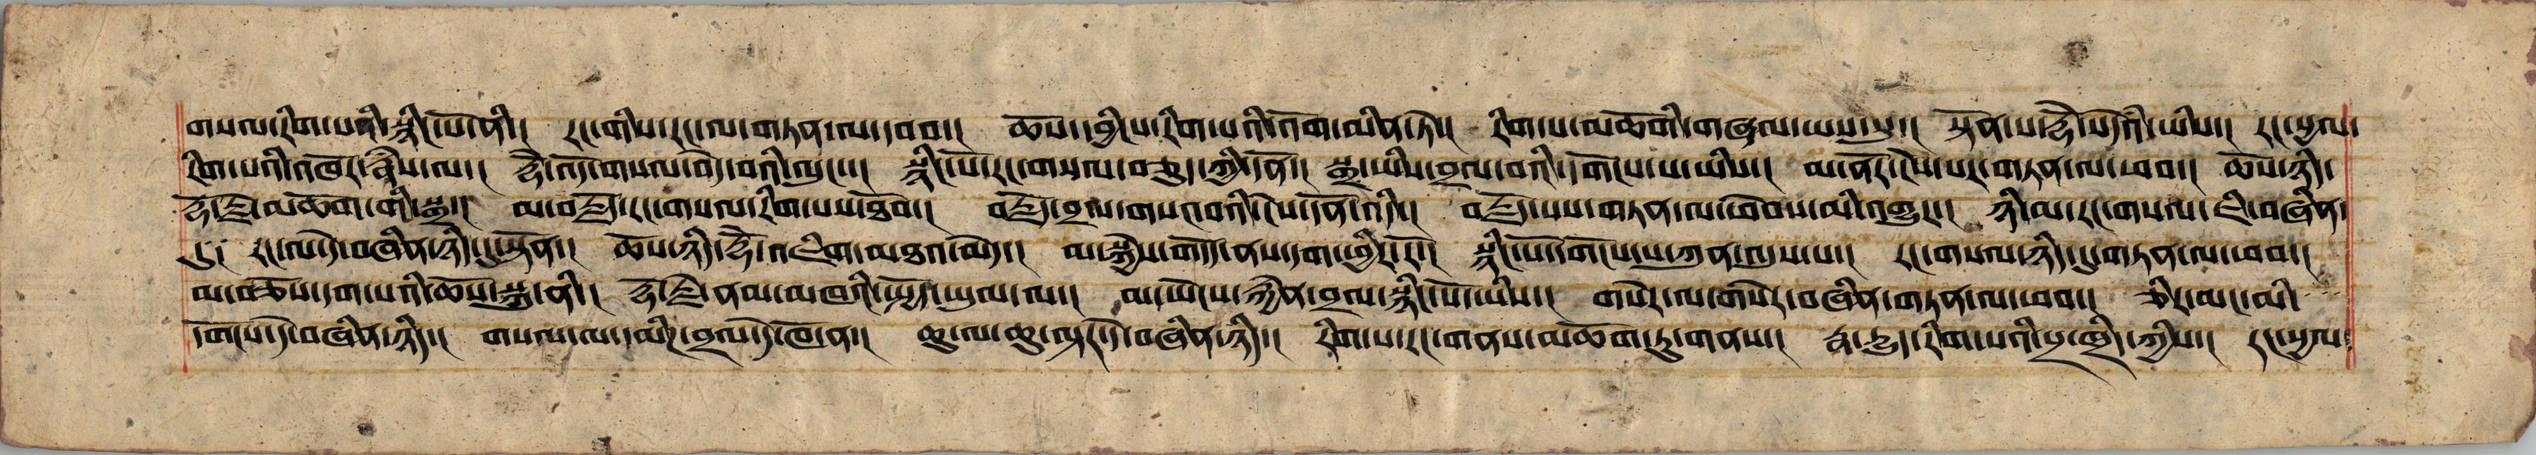གསལ་རིག་པའི་སྙིང་པོ་ནི་། རང་གིས་རང་ལ་གཏན་ལ་དབབ་། ཆོས་དབྱིངས་རིག་པའི་འོག་མིན་ཏེ་། རིག་པ་མཆོགི་གཞལ་ཡས་སུ་། སྟོན་པ་རྡོེ་སེདཾའ་ཡིས་། རང་སྱལ་
རིག་པའི་འཁོར་རྣཾས་ལ་། རྡོེ་འོད་གསལ་བདེ་བའི་ལུང་་། སྙིང་པོ་རང་གསལ་བཅུད་ཀྱི་དོན་། སྒྲ་ཡིས་བྲལ་བའི་དགོངས་པ་ཡིས་། མ་ནོར་ངེས་པར་གཏན་ལ་ཕབ་། ཆོས་ཉིད་
རྡོ་རྗེ་མཆོག་གི་སྒྲ་། མ་བརྗོད་རང་གསལ་རིག་པས་ཐོབ་། བརྗོད་བྲལ་གསང་བའི་ངེས་དོན་འདི་། བརྗོད་པས་གཏན་ལ་ཕེབས་མི་འགྱུར་། ཉི་མ་རང་གསལ་ཇི་བཞིན་
དུ༑ རང་ལ་དེ་བཞིན་ཉིད་དུ་སྟོན་། ཆོས་ཉིད་རྡོེ་འཇིག་མཐའ་མེད་། མ་སྐྱེས་་གདོད་ནས་དག་ཕྱིར་རོ་། སྙིང་པོ་དགོངས་པ་ཀུན་འདུས་པ་། རང་གསལ་ཉིད་དུ་གཏན་ལ་ཕབ་།
མ་བཅོས་དག་པའི་ཆོས་སྐུ་ནི་། རྡོ་རྗེ་ནམ་མཁའི་སྤྱོད་ཡུལ་ལ་། མ་ཡེངས་རྐྱེན་བྲལ་སྙིང་པོ་ཡིས་། གསེར་ལ་གསེར་བཞིན་གཏན་ལ་ཕབ་། ཅིར་ཡང་མི་
དགོངས་དེ་བཞིན་ཉིད་། གསལ་ལ་དམིཌ་བྲལ་དེ་ཁོ་ན་། ཆུ་ལ་ཆུ་ལྟར་དེ་བཞིན་ཉིད་། རིག་པ་རང་གནས་མཆོག་ཏུ་གནས་། རྣ་དྱུད་རིག་པའི་པྲ་ཁྲིད་ཀྱིས་། རང་སྱལ་